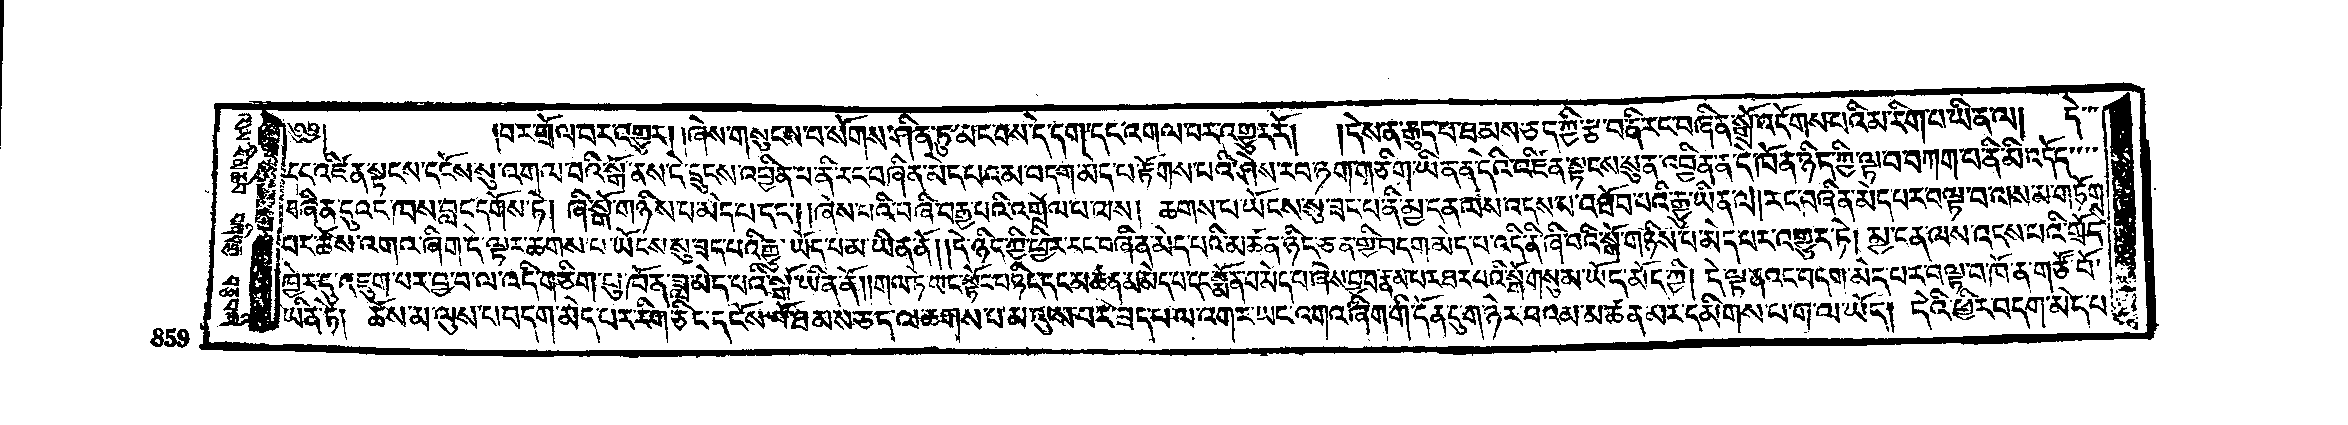༄༅། །པར་གྲོལ་བར་འགྱུར། །ཞེས་གསུངས་པ་སོགས་ཤིན་ཏུ་མང་བས་དེ་དག་དང་འགལ་བར་འགྱུར་རོ། །དེས་ན་རྒུད་པ་ཐམས་ཅད་ཀྱི་རྩ་བ་ནི་རང་བཞིན་སྒྲོ་འདོགས་པའི་མ་རིག་པ་ཡིན་ལ། དེ་
དང་འཛིན་སྟངས་དངོས་སུ་འགལ་བའི་སྒོ་ནས་དེ་དྲུངས་འབྱིན་པ་ནི་རང་བཞིན་མེད་པའམ་བདག་མེད་པ་རྟོགས་པའི་ཤེས་རབ་ཉག་གཅིག་ཡིན་ན་དེའི་འཛིན་སྟངས་སུན་འབྱིན་ན་དེ་ཁོ་ན་ཉིད་ཀྱི་ལྟ་བ་བཀག་པ་ནི་མི་འདོད་
བཞིན་དུའང་ཁས་བླང་དགོས་ཏེ། ཞི་སྒོ་གཉིས་པ་མེད་པ་དང་། །ཞེས་པའི་བཞི་བརྒྱ་པའི་འགྲེལ་པ་ལས། ཆགས་པ་ཡོངས་སུ་ཟད་པ་ནི་མྱ་ངན་ལས་འདས་པ་འཐོབ་པའི་རྒྱུ་ཡིན་ལ། རང་བཞིན་མེད་པར་བལྟ་བ་ལས་མ་གཏོགས་
པར་ཆོས་འགའ་ཞིག་དེ་ལྟར་ཆགས་པ་ཡོངས་སུ་ཟད་པའི་རྒྱུ་ཡོད་པ་མ་ཡིན་ནོ། །དེ་ཉིད་ཀྱི་ཕྱིར་རང་བཞིན་མེད་པའི་མཚན་ཉིད་ཅན་གྱི་བདག་མེད་པ་འདི་ནི་ཞི་བའི་སྒོ་གཉིས་པ་མེད་པར་འགྱུར་ཏེ། མྱ་ངན་ལས་འདས་པའི་གྲོང་
ཁྱེར་དུ་འཇུག་པར་བྱ་བ་ལ་འདི་གཅིག་པུ་ཁོ་ན་ཟླ་མེད་པའི་སྒོ་ཡིན་ནོ། །གལ་ཏེ་ཡང་སྟོང་པ་ཉིད་དང་མཚན་མ་མེད་པ་དང་སྨོན་པ་མེད་པ་ཞེས་བྱ་བ་རྣམ་པར་ཐར་པའི་སྒོ་གསུམ་ཡོད་མོད་ཀྱི། དེ་ལྟ་ནའང་བདག་མེད་པར་བལྟ་བ་ཁོ་ན་གཙོ་བོ་
ཡིན་ཏེ། ཆོས་མ་ལུས་པ་བདག་མེད་པར་རིག་ཅིང་དངོས་པོ་ཐམས་ཅད་ལ་ཆགས་པ་མ་ལུས་པར་ཟད་པ་ལ་འགར་ཡང་འགའ་ཞིག་གི་དོན་དུ་གཉེར་བའམ་མཚན་མར་དམིགས་པ་ག་ལ་ཡོད། དེའི་ཕྱིར་བདག་མེད་པ་